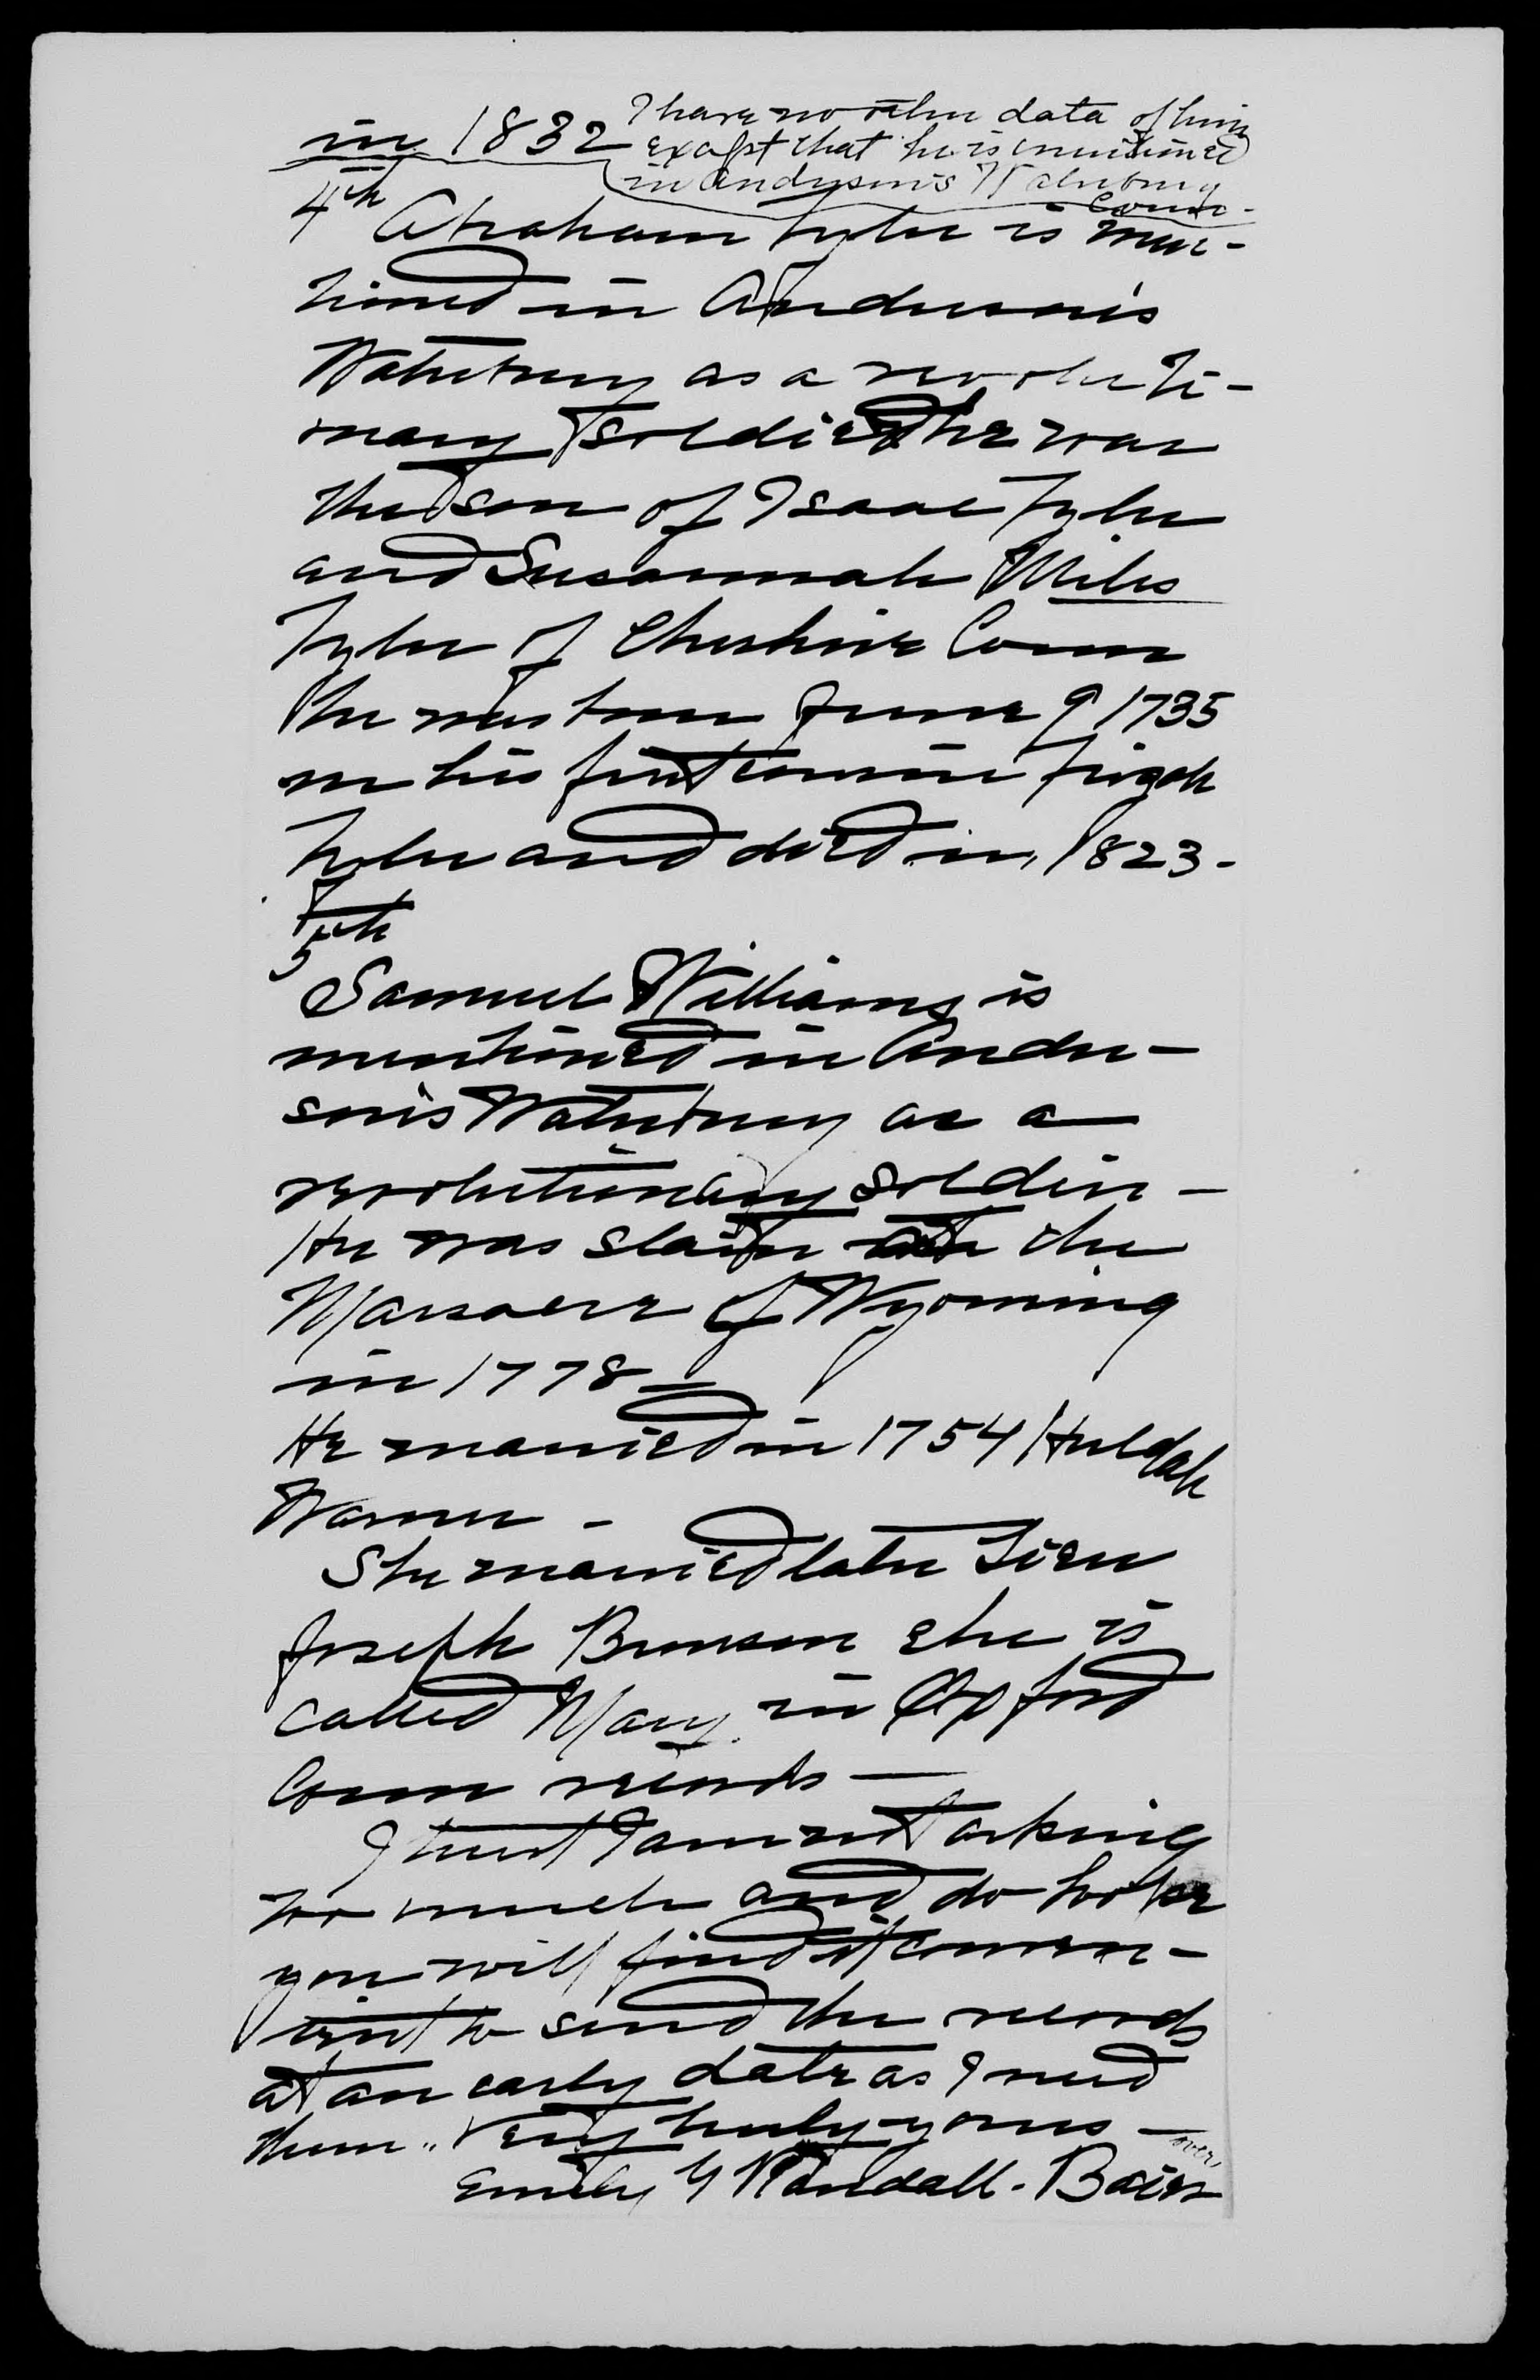in 1832
I have no other data of him except that he is mentioned in Anderson's Waterbury Conn- 
4th Abraham Tyler is mentioned in Anderson's Waterbury as a revolutionary soldier He was the son of Isaac Tyler and Susannah Miles Tyler of Cheshire Conn He was born June 9 1735 with his first cousin [illegible] Tyler and died in 1823.
5th
Samuel Williams is mentioned in Anderson's Waterbury as a  revolutionary solder He was later at the Massacre of Wyoming in 1778 
He married in1754 Huldah Warner - 
She married later Lieu Joseph Bronson She is called Mary in Oxord Conn records
I trust I am not asking for much and do hope you will find it convenient to send the records at an early date as I  need them 
Very truly yours
Emily G Randall Bates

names: Joseph Brinson, Mary, Isaac Tyler, Samuel Williams, Abraham Tyler, Emily G Randall, Susannah Miles, Huldah Warren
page: 33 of 45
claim: survivor's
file: S. 15748, Elihu Benham, Conn.